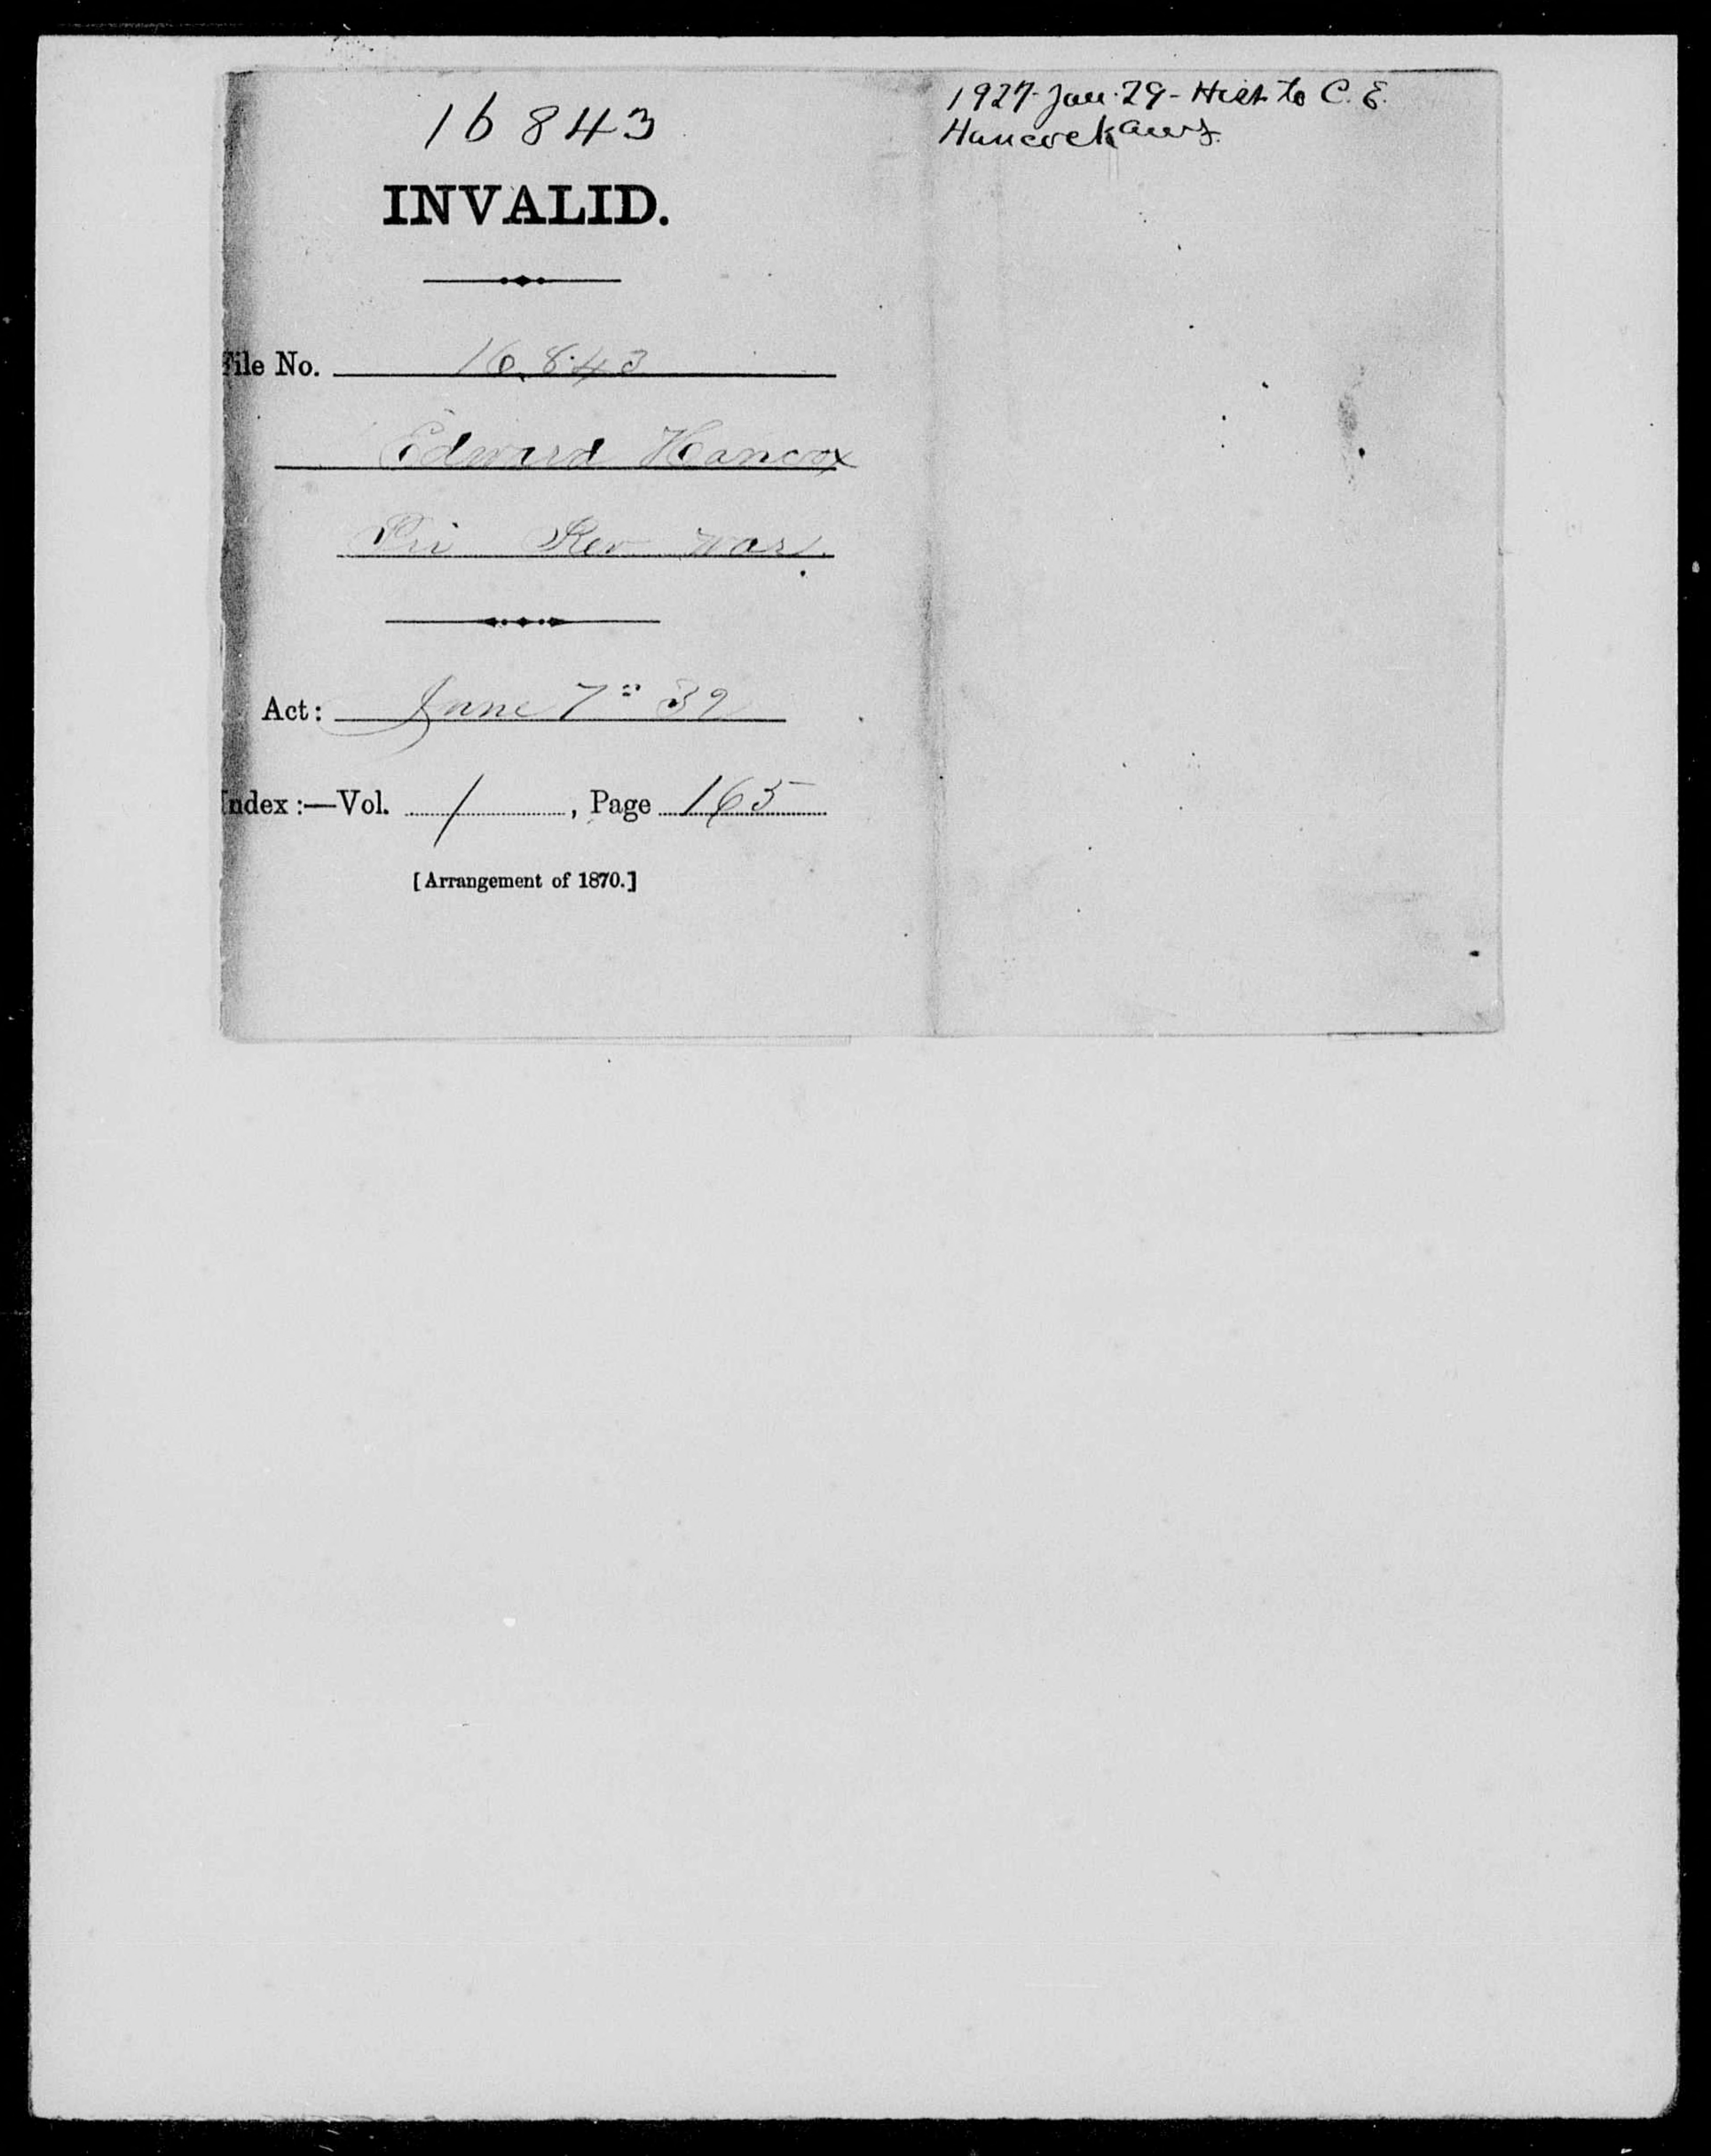16843
INVLAID

File No. 16843
Edward Hancox
Pri Rev War
Act: June 7th '39
Index: Vol 1 Page 165
[Arrangement of 1870]

1927 Jan 29 Hist to C. E. Hancock awy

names: Edward Hancox, C E Hancock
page: 18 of 26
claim: survivor's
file: S. 16843, Edward Hancox, Conn.